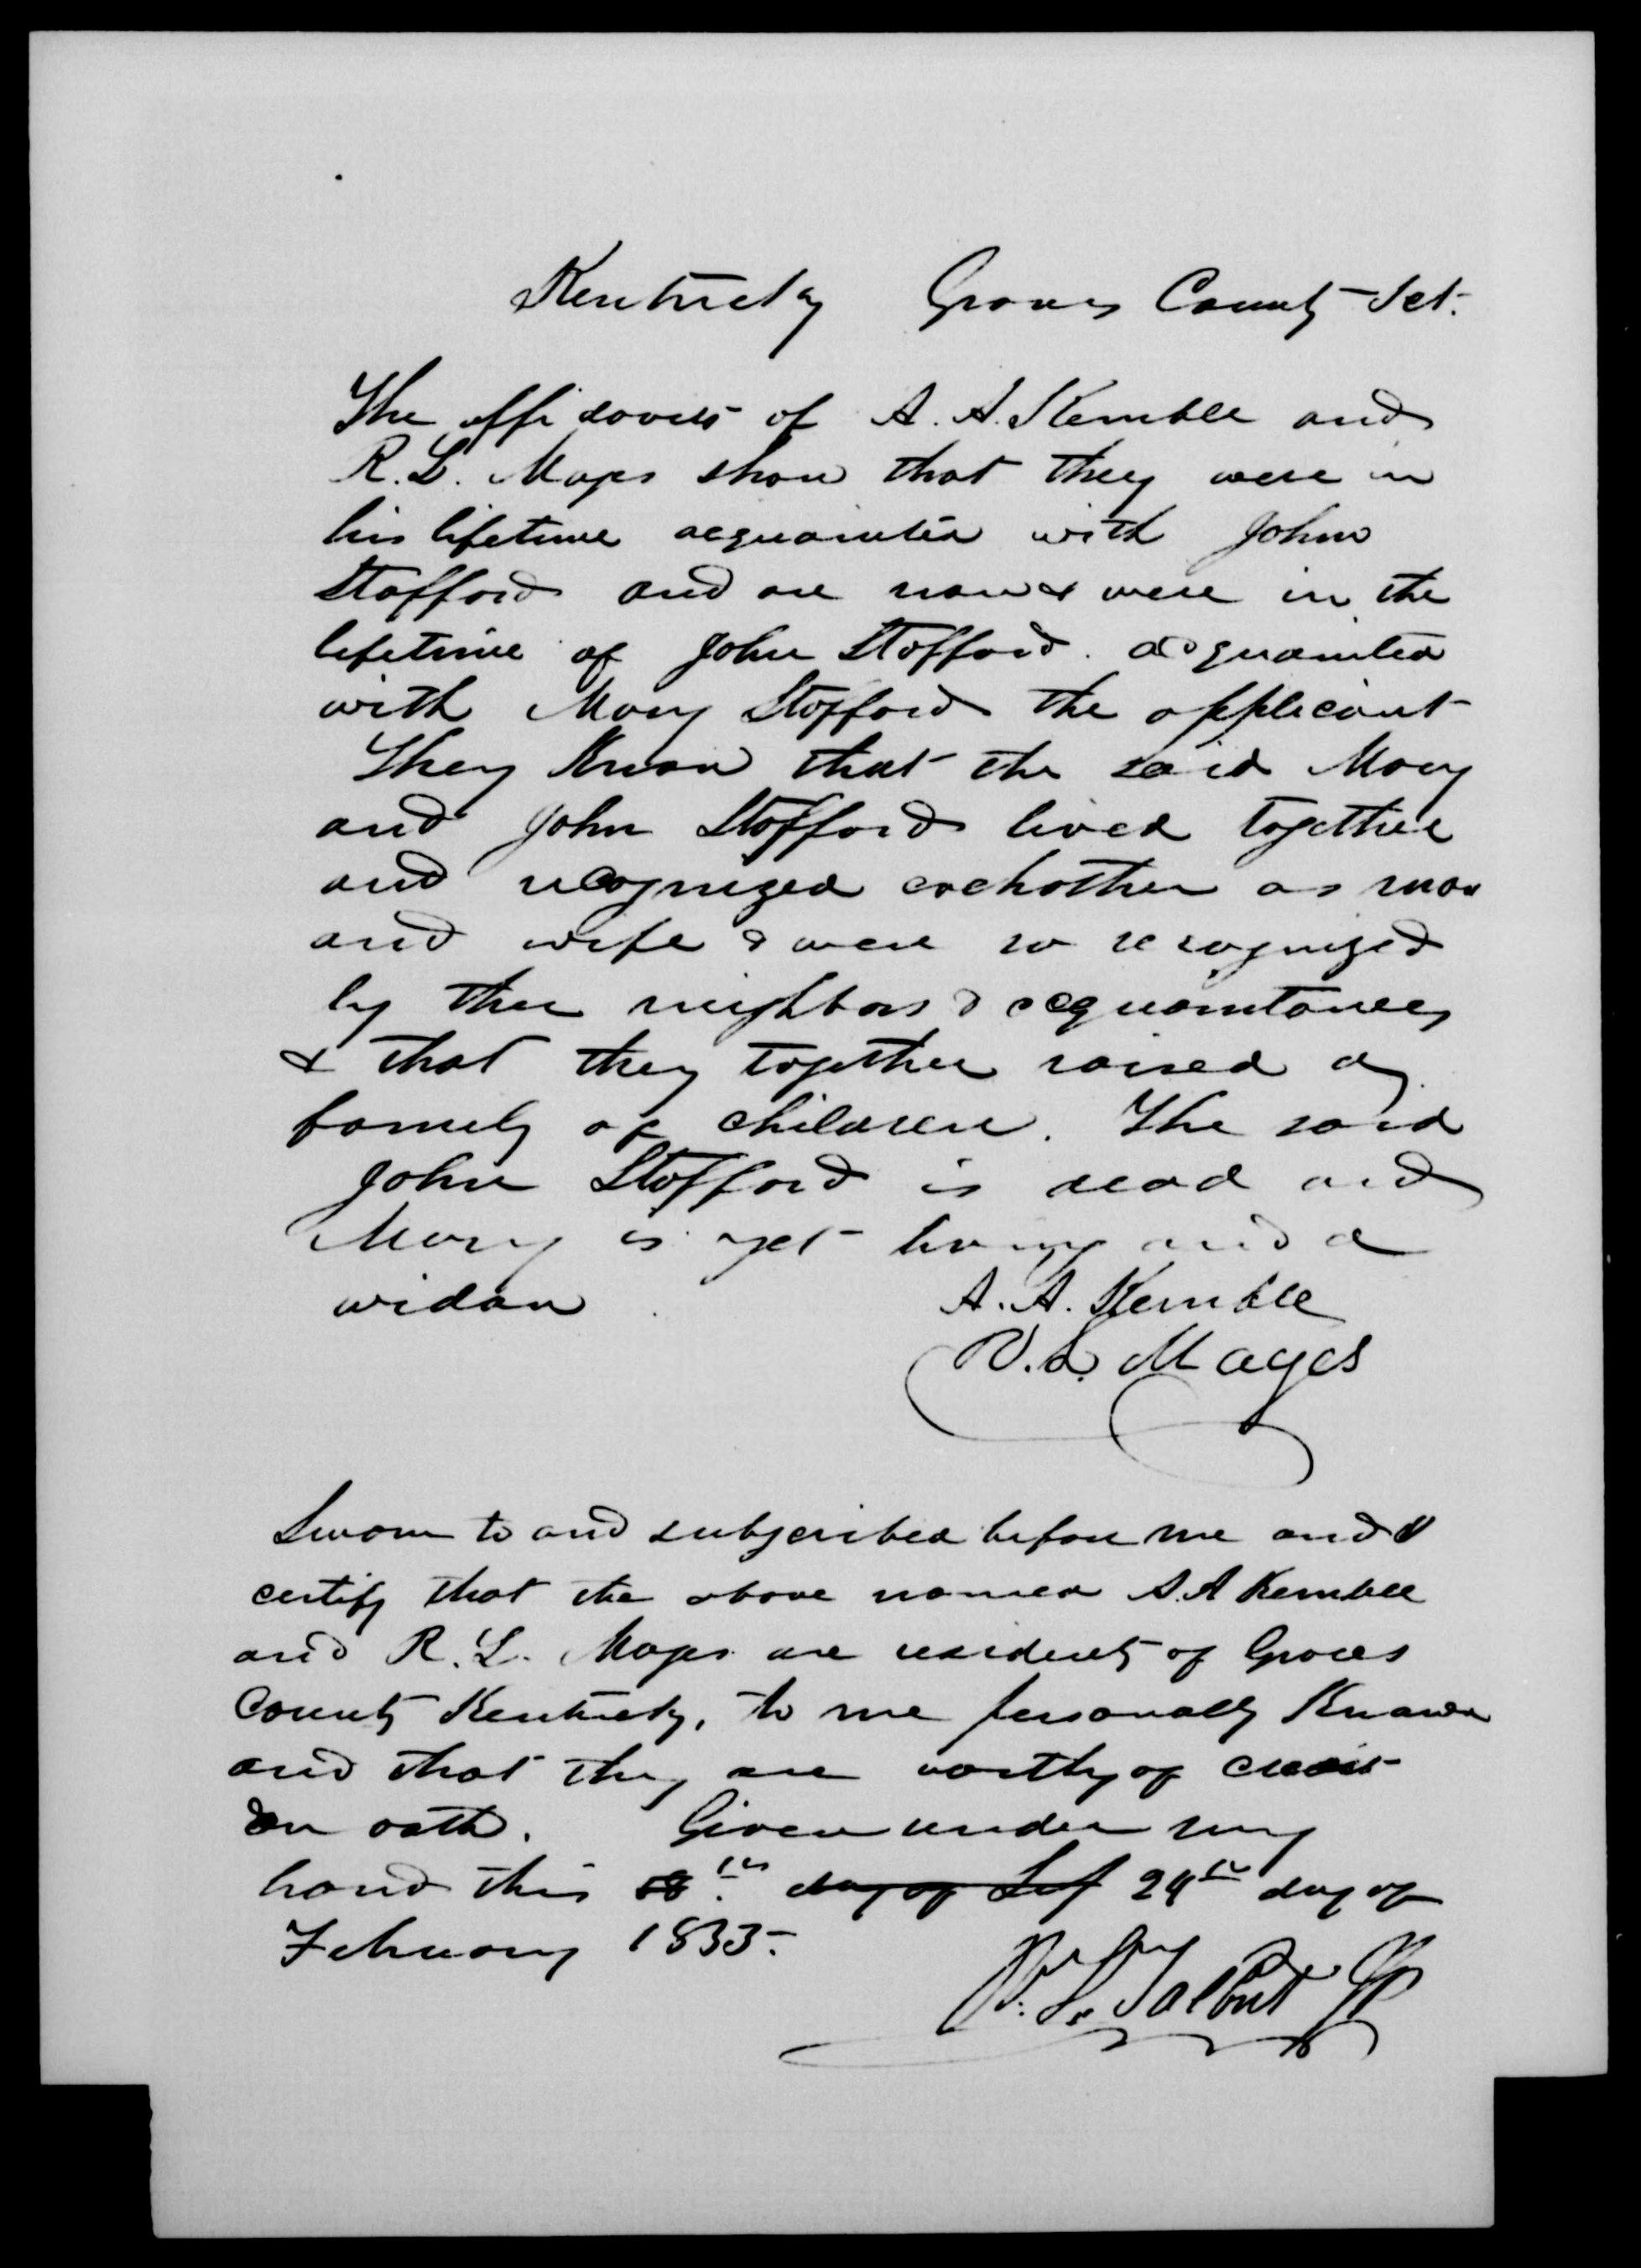Kentucky Graves County-Seal:
The affidavits of A. A. Kemble and R L Noyes show that they were in  his lifetime acquaintance with John Stafford and are now & were in the lifetime of John Stafford acquainted with Mary Stafford the applicant. They sore that the said Mary Stafford and John Stafford lived together and recognized one another as man and wife * were so recognized by their neighbors  & acquaintances & that they together raised a family of children. Thie said John Stafford is dead and Mary is yet living  and a widow
A. A. Kemble
R. L Mayes

Sworn to and subscribed before me and I certify that the above named A A Kemble  and R. L Mayes  hope are residents of Graves County Kentucky, to me personally known tand that they are worthy of credit in oath. Given under my hand this 10th day of September 29th  [struck through]day of February 1835
P.L. Talbert JP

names: A A Kemble; A A Kemble; Mary Stafford; John Stafford; Mary Stafford; P L Talbert; R L Mayes; John Stafford; R L Mayes; John Stafford; John Stafford; R L Mayes; A A Kemble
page: 51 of 61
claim: widow's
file: W. 11554, for John Stafford, Maryland